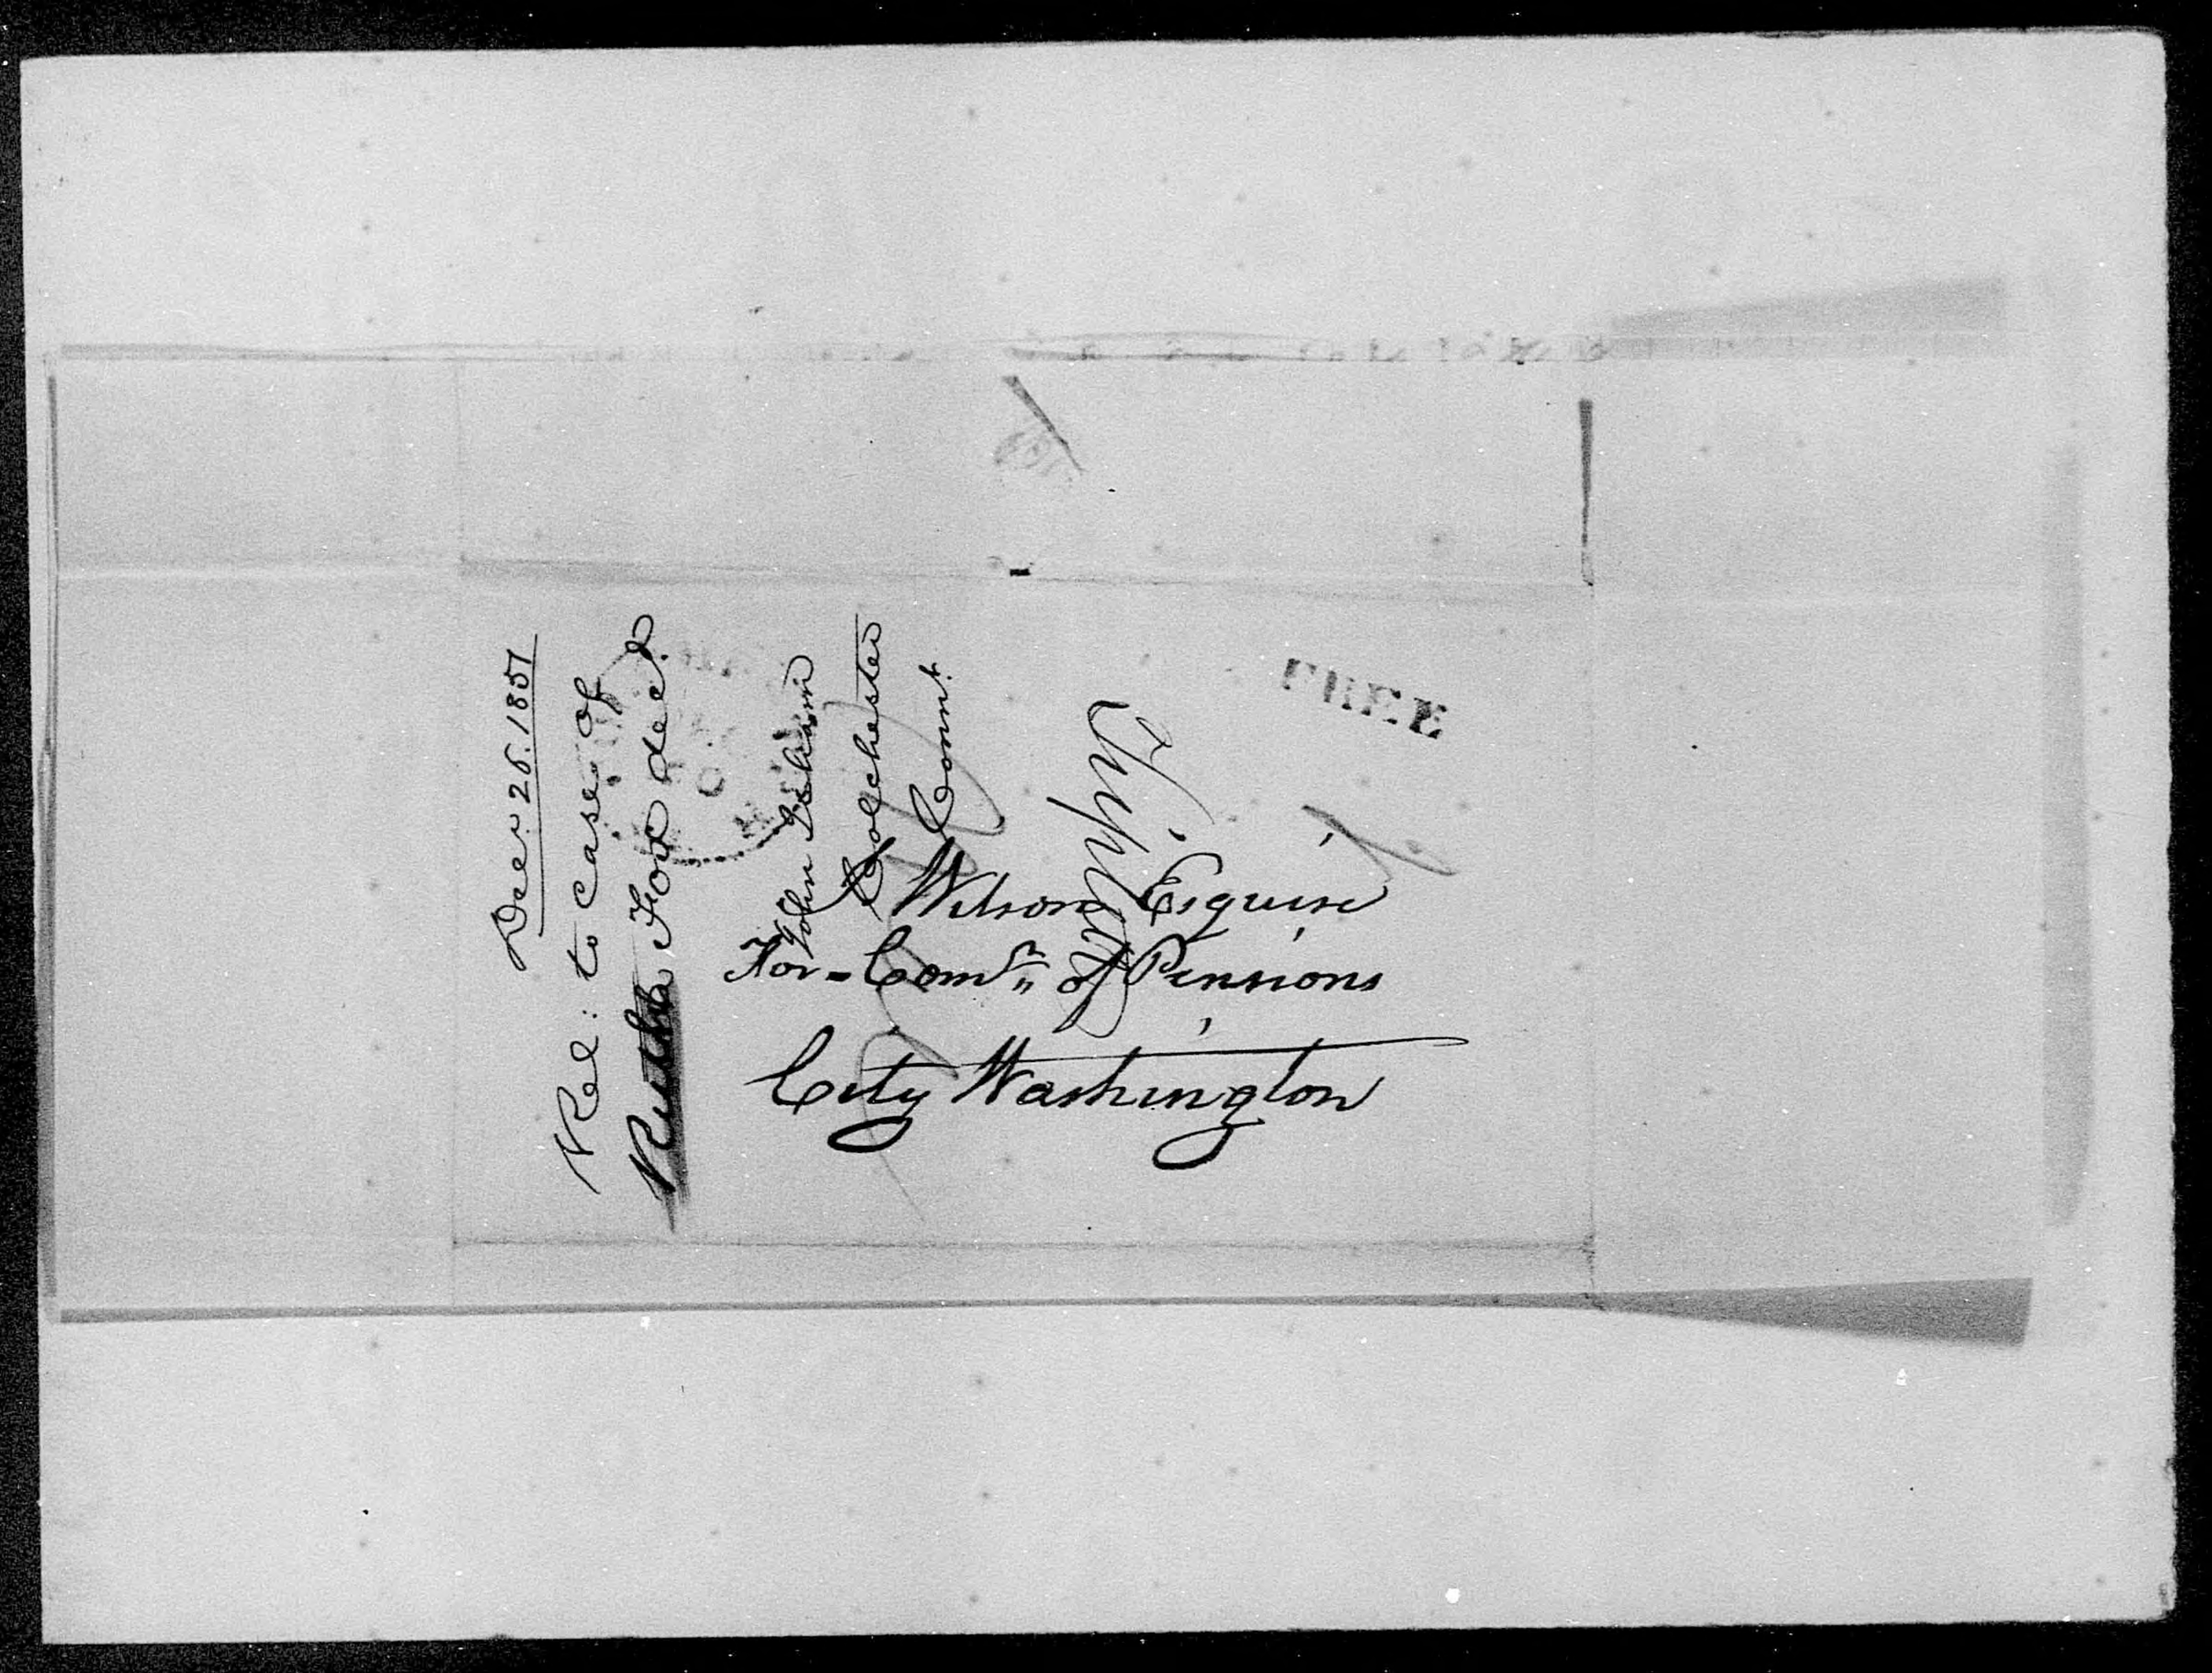J Wilson Esquire
Hon. Com of Pensions
City Washington


Dec 26, 1851
Rel: to case of 
Ruth Fox decd

John Isham
Colchester
Connt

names: Ruth Fox, J Wilson, John Isham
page: 42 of 53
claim: rejected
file: R. 3732, Jesse Fox, Conn.